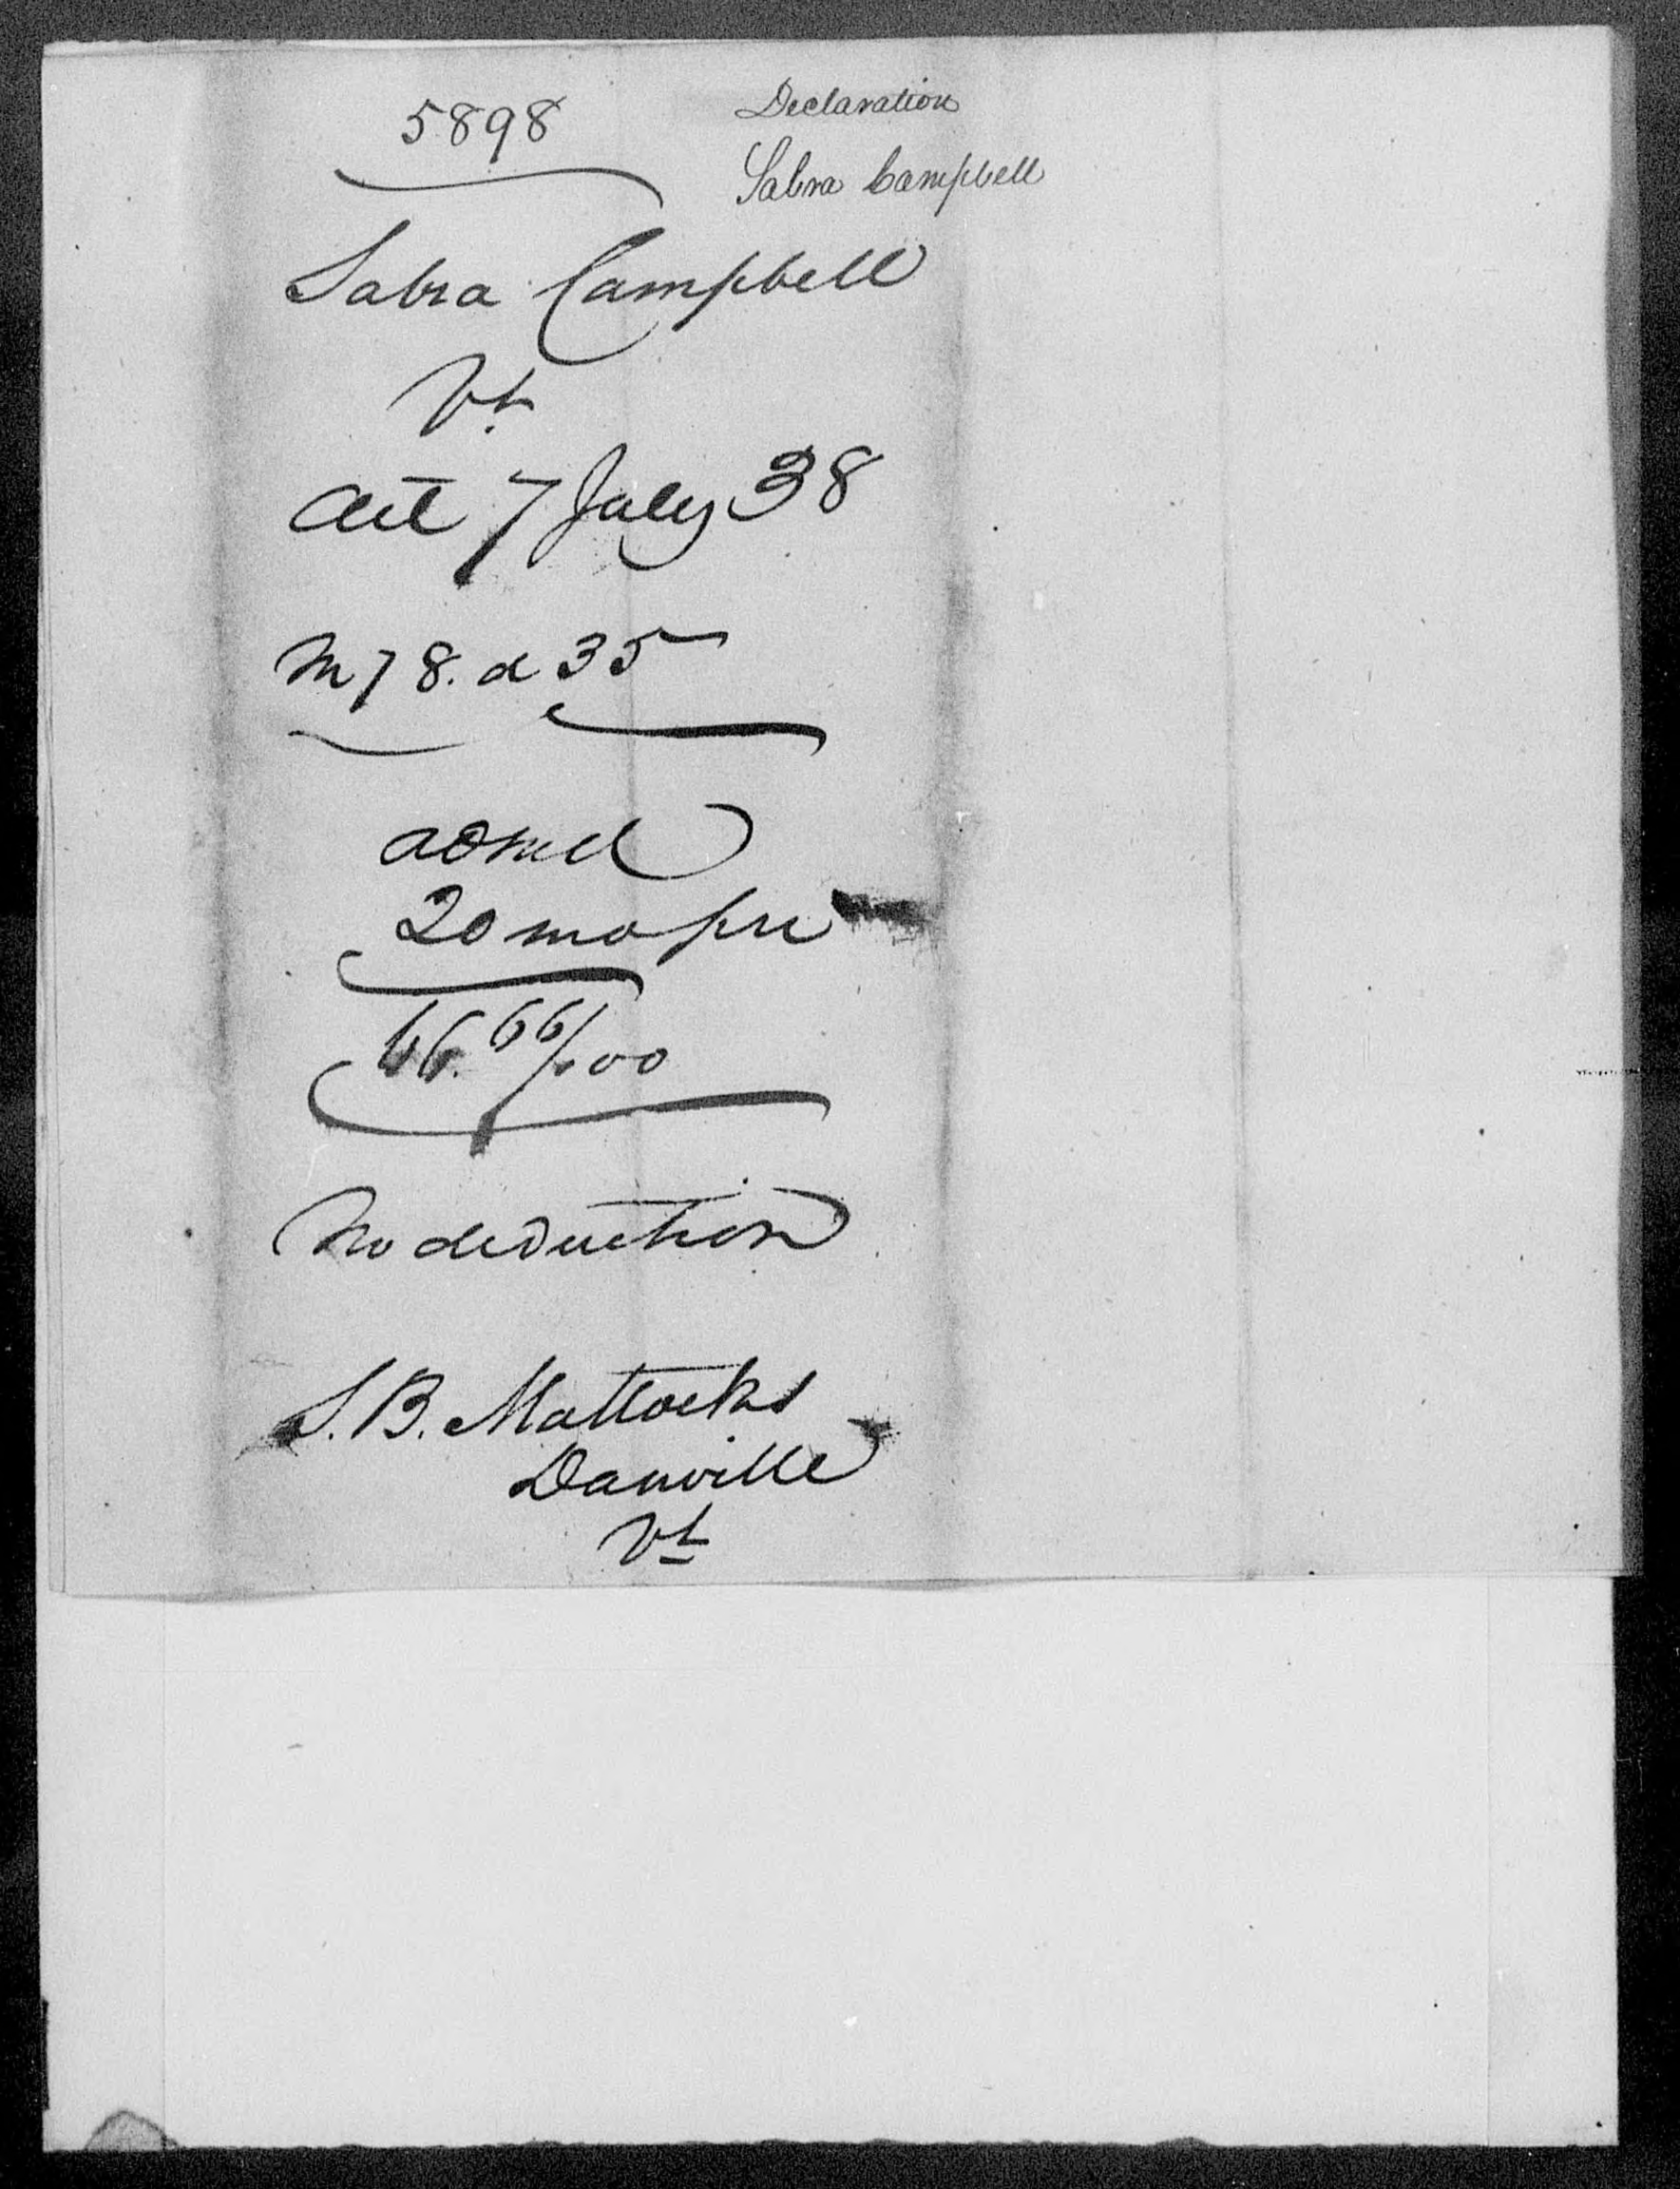5898
Declaration
Sabra Campbell

Sabra Campbell
Vt.
Act 7 July 38
m 78. d 35
-
Admd
20 mo per
66.66/100
1100

No deduction

S. B. Mattocks
Danville
Vt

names: S B Mattocks, Sabra Campbell, Sabra Campbell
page: 11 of 67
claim: widow's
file: W. 23772, James Campbell, Continental Mass.